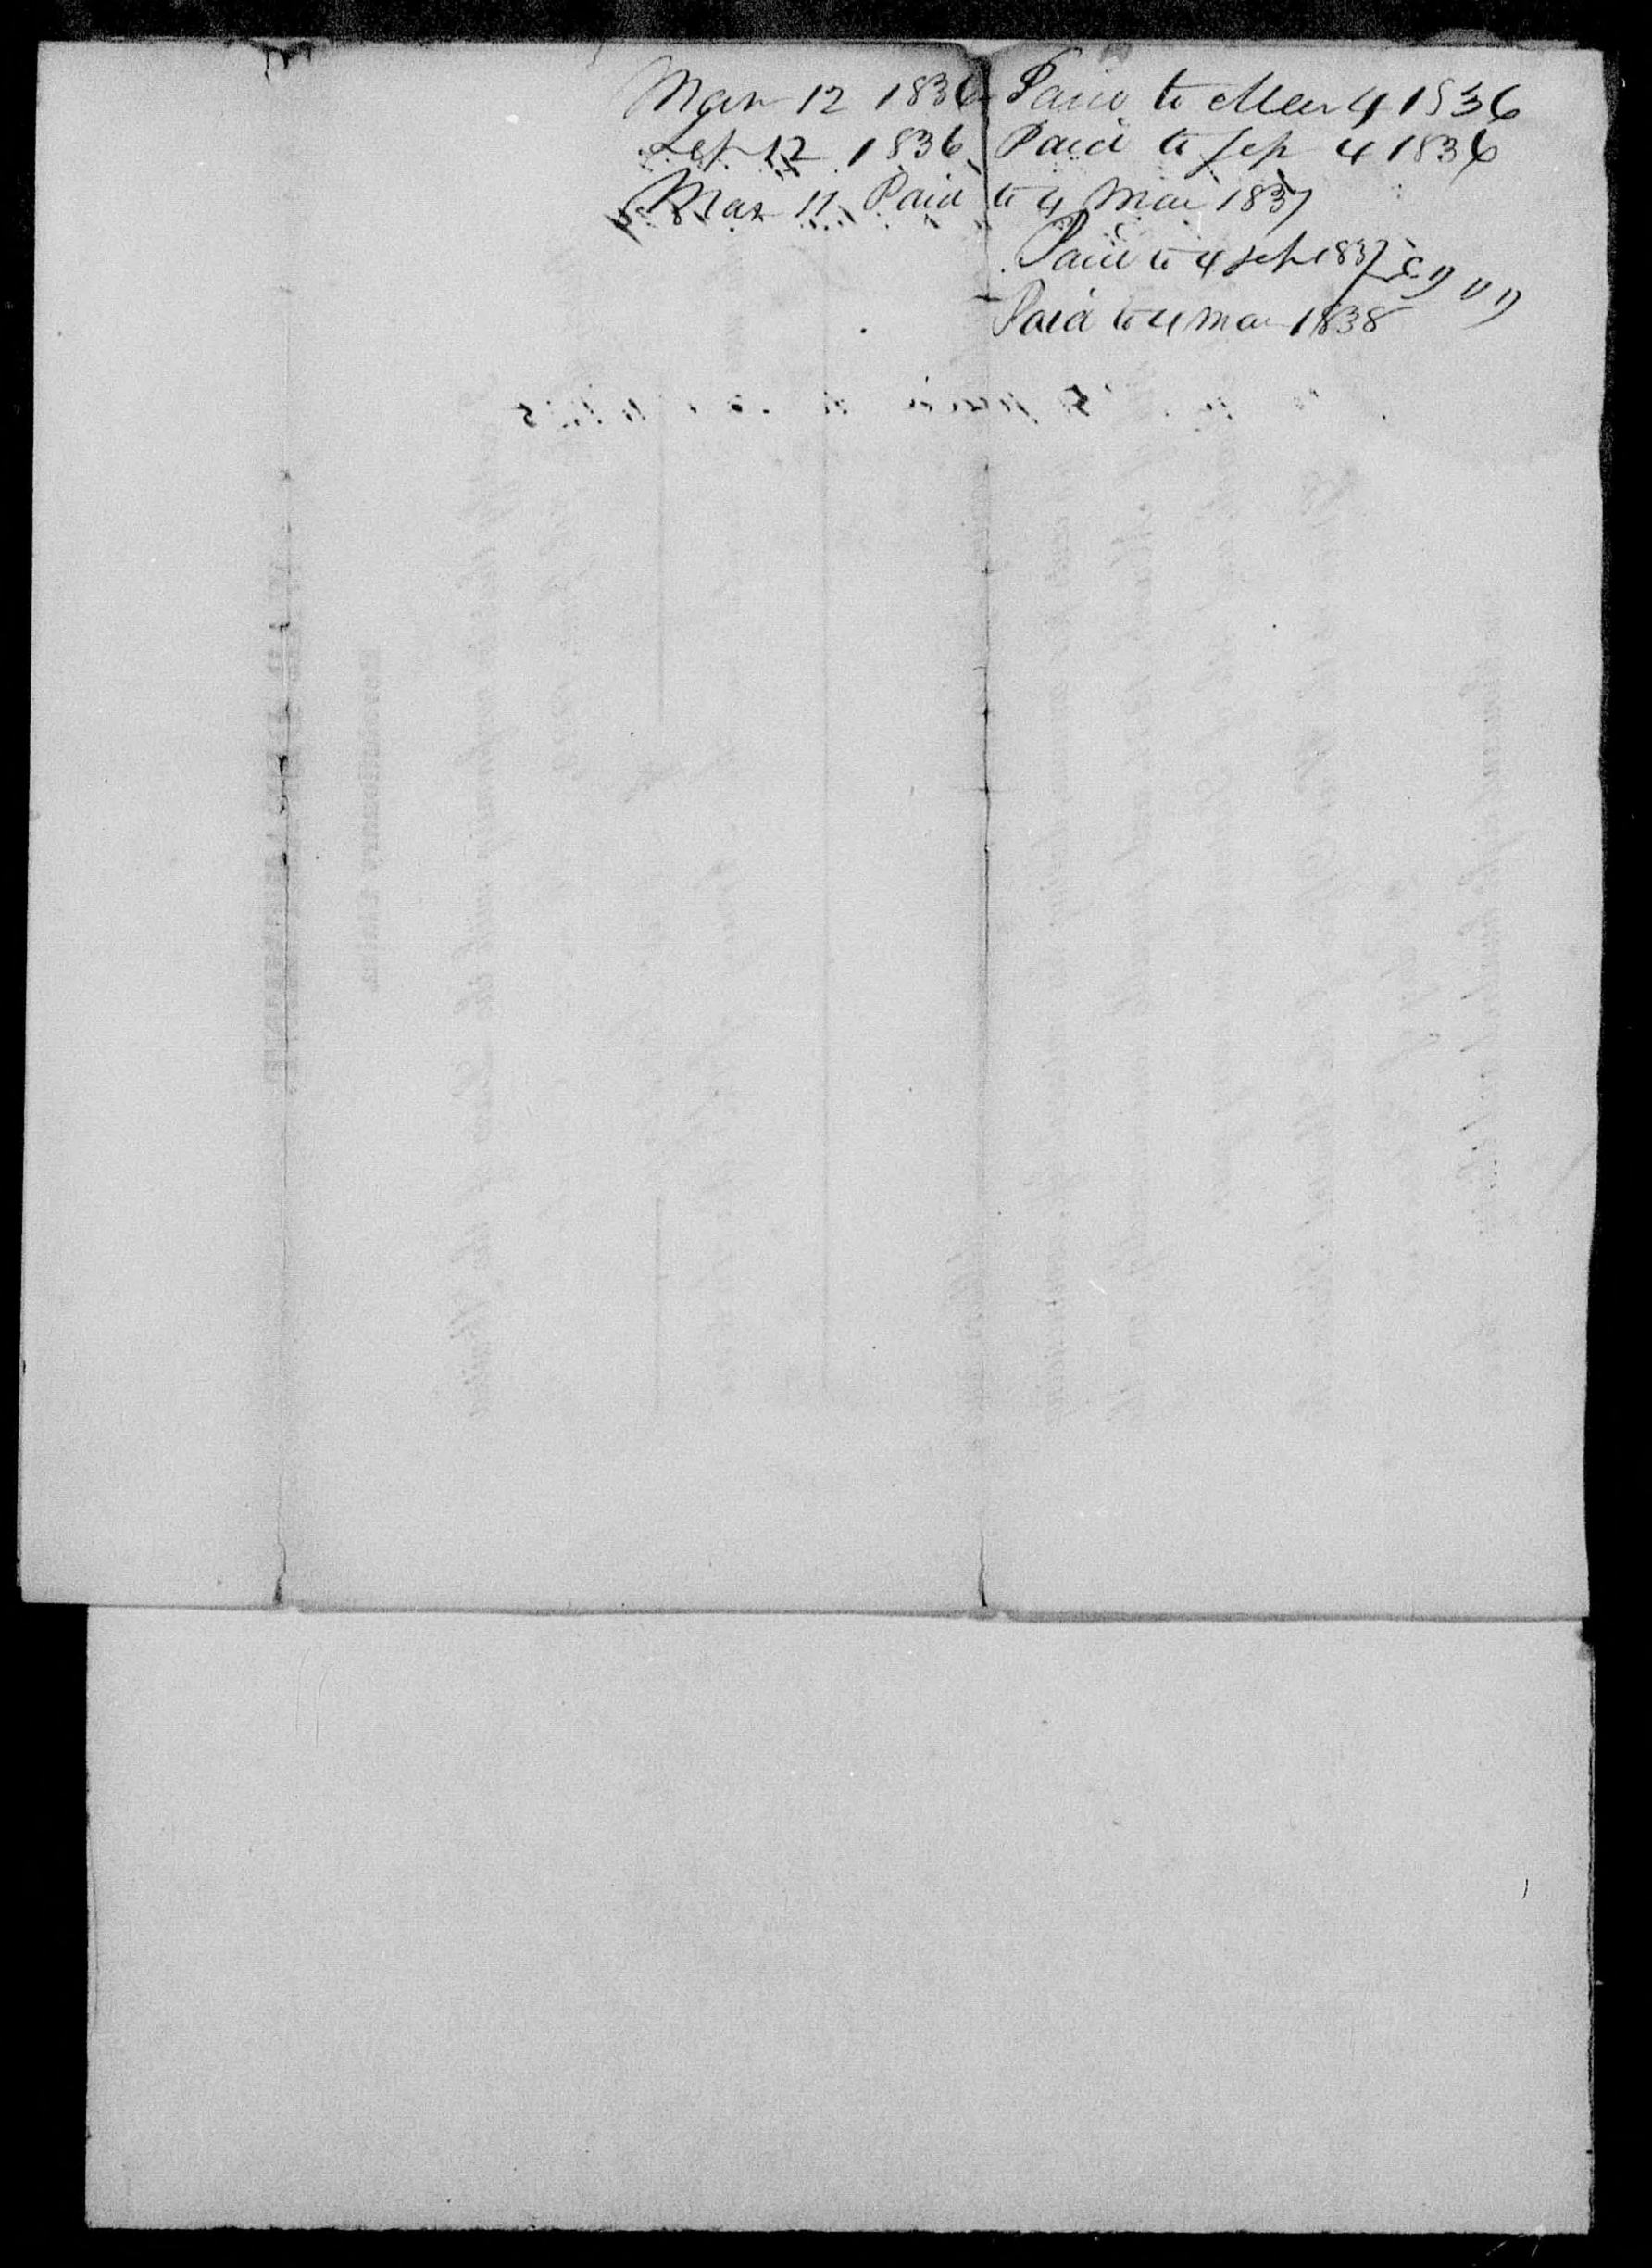Mar 12 1836 Paid to mar 4 1836
Sep 12 1836 Paid to Sep 4 1836
Mar 11 Paid to 4 mar 1837
Paid to Sept 1837
Paid to 4 Mar 1838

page: 13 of 23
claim: survivor's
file: S. 3212, Moses Condit, New Jersey